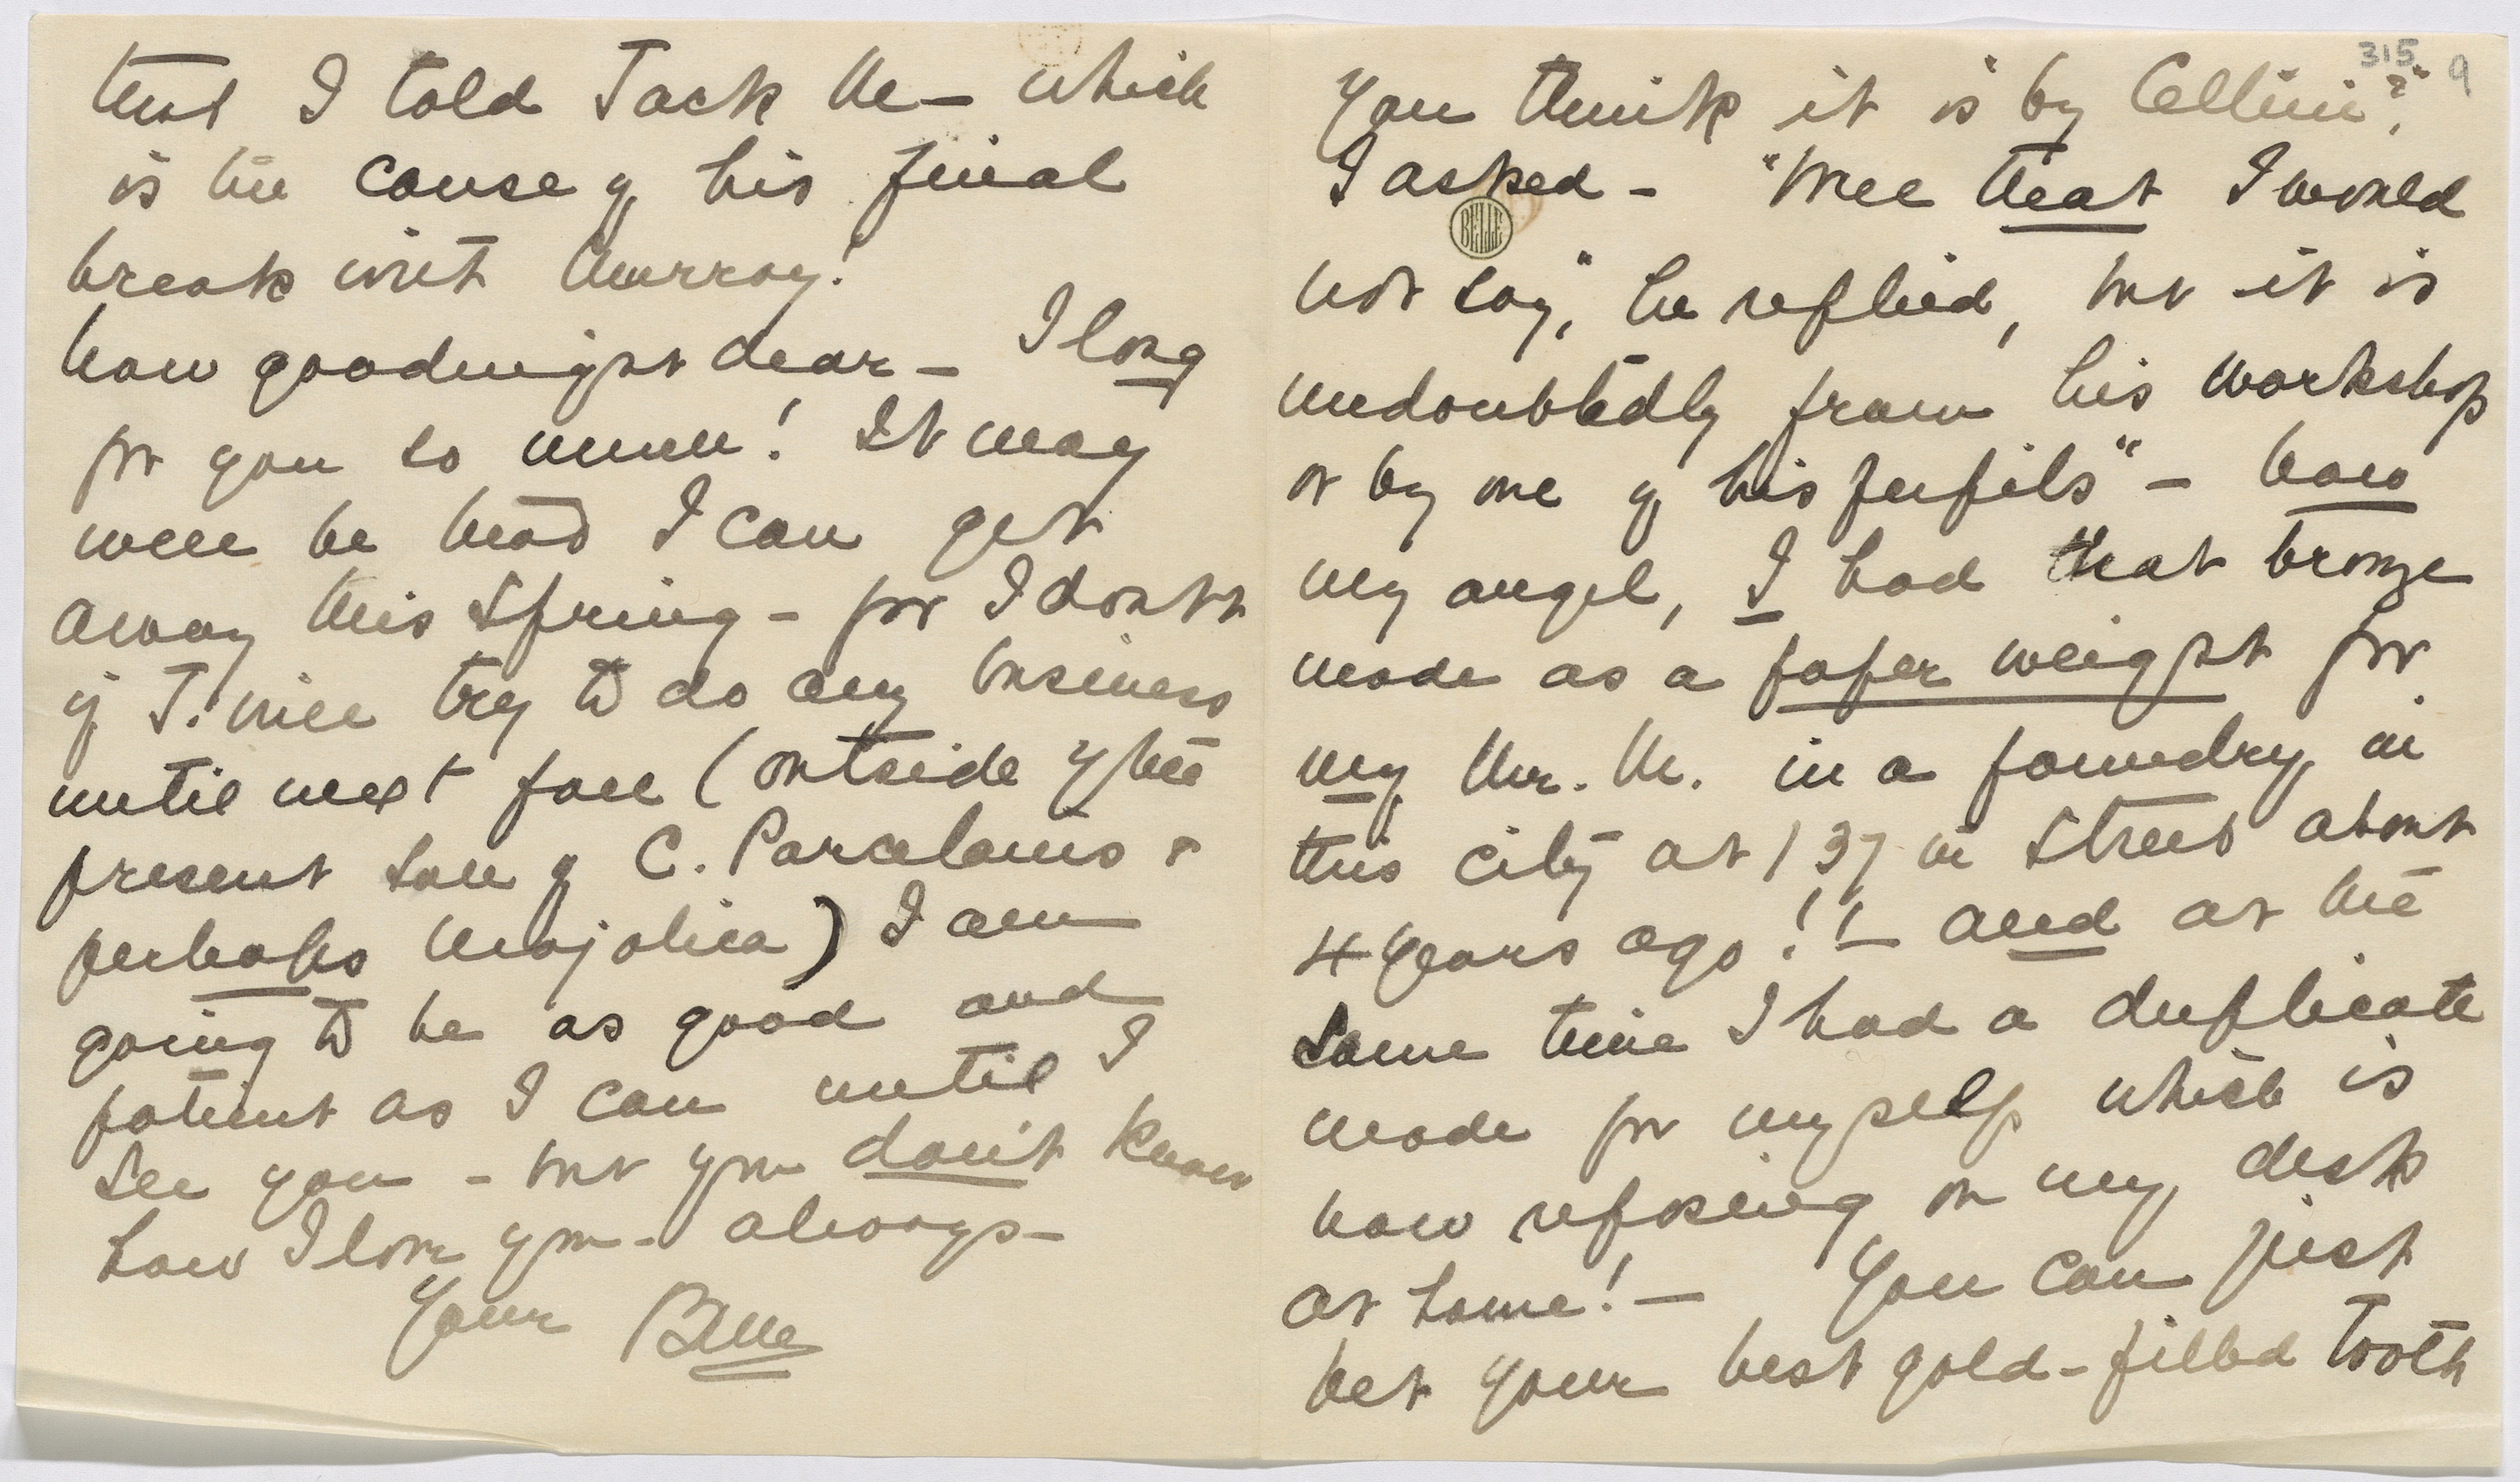you think it is by Cellini?” I asked – “Well that I would not say,” he replied, but it is undoubtedly from his workshop or by one of his pupils” – Now my angel, I had that bronze used as a paper weight for my Mr. M. in a foundry in this city at 137th Street about 4 years ago!! – and at the same time I had a duplicate made for myself which is now reposing on my desk at home! – You can just bet your best gold-filled tooth
that I told Jack M – which is the cause of his final break with Murray.
Now goodnight dear – I long for you so much! It may well be that I can get away this Spring – for I doubt if J. will try to do any business until next fall (outside of the present sale of C. Porcelains & perhaps Majolica) I am going to be as good and patient as I can until I see you –but you don’t know how I love you – always –
Your Belle